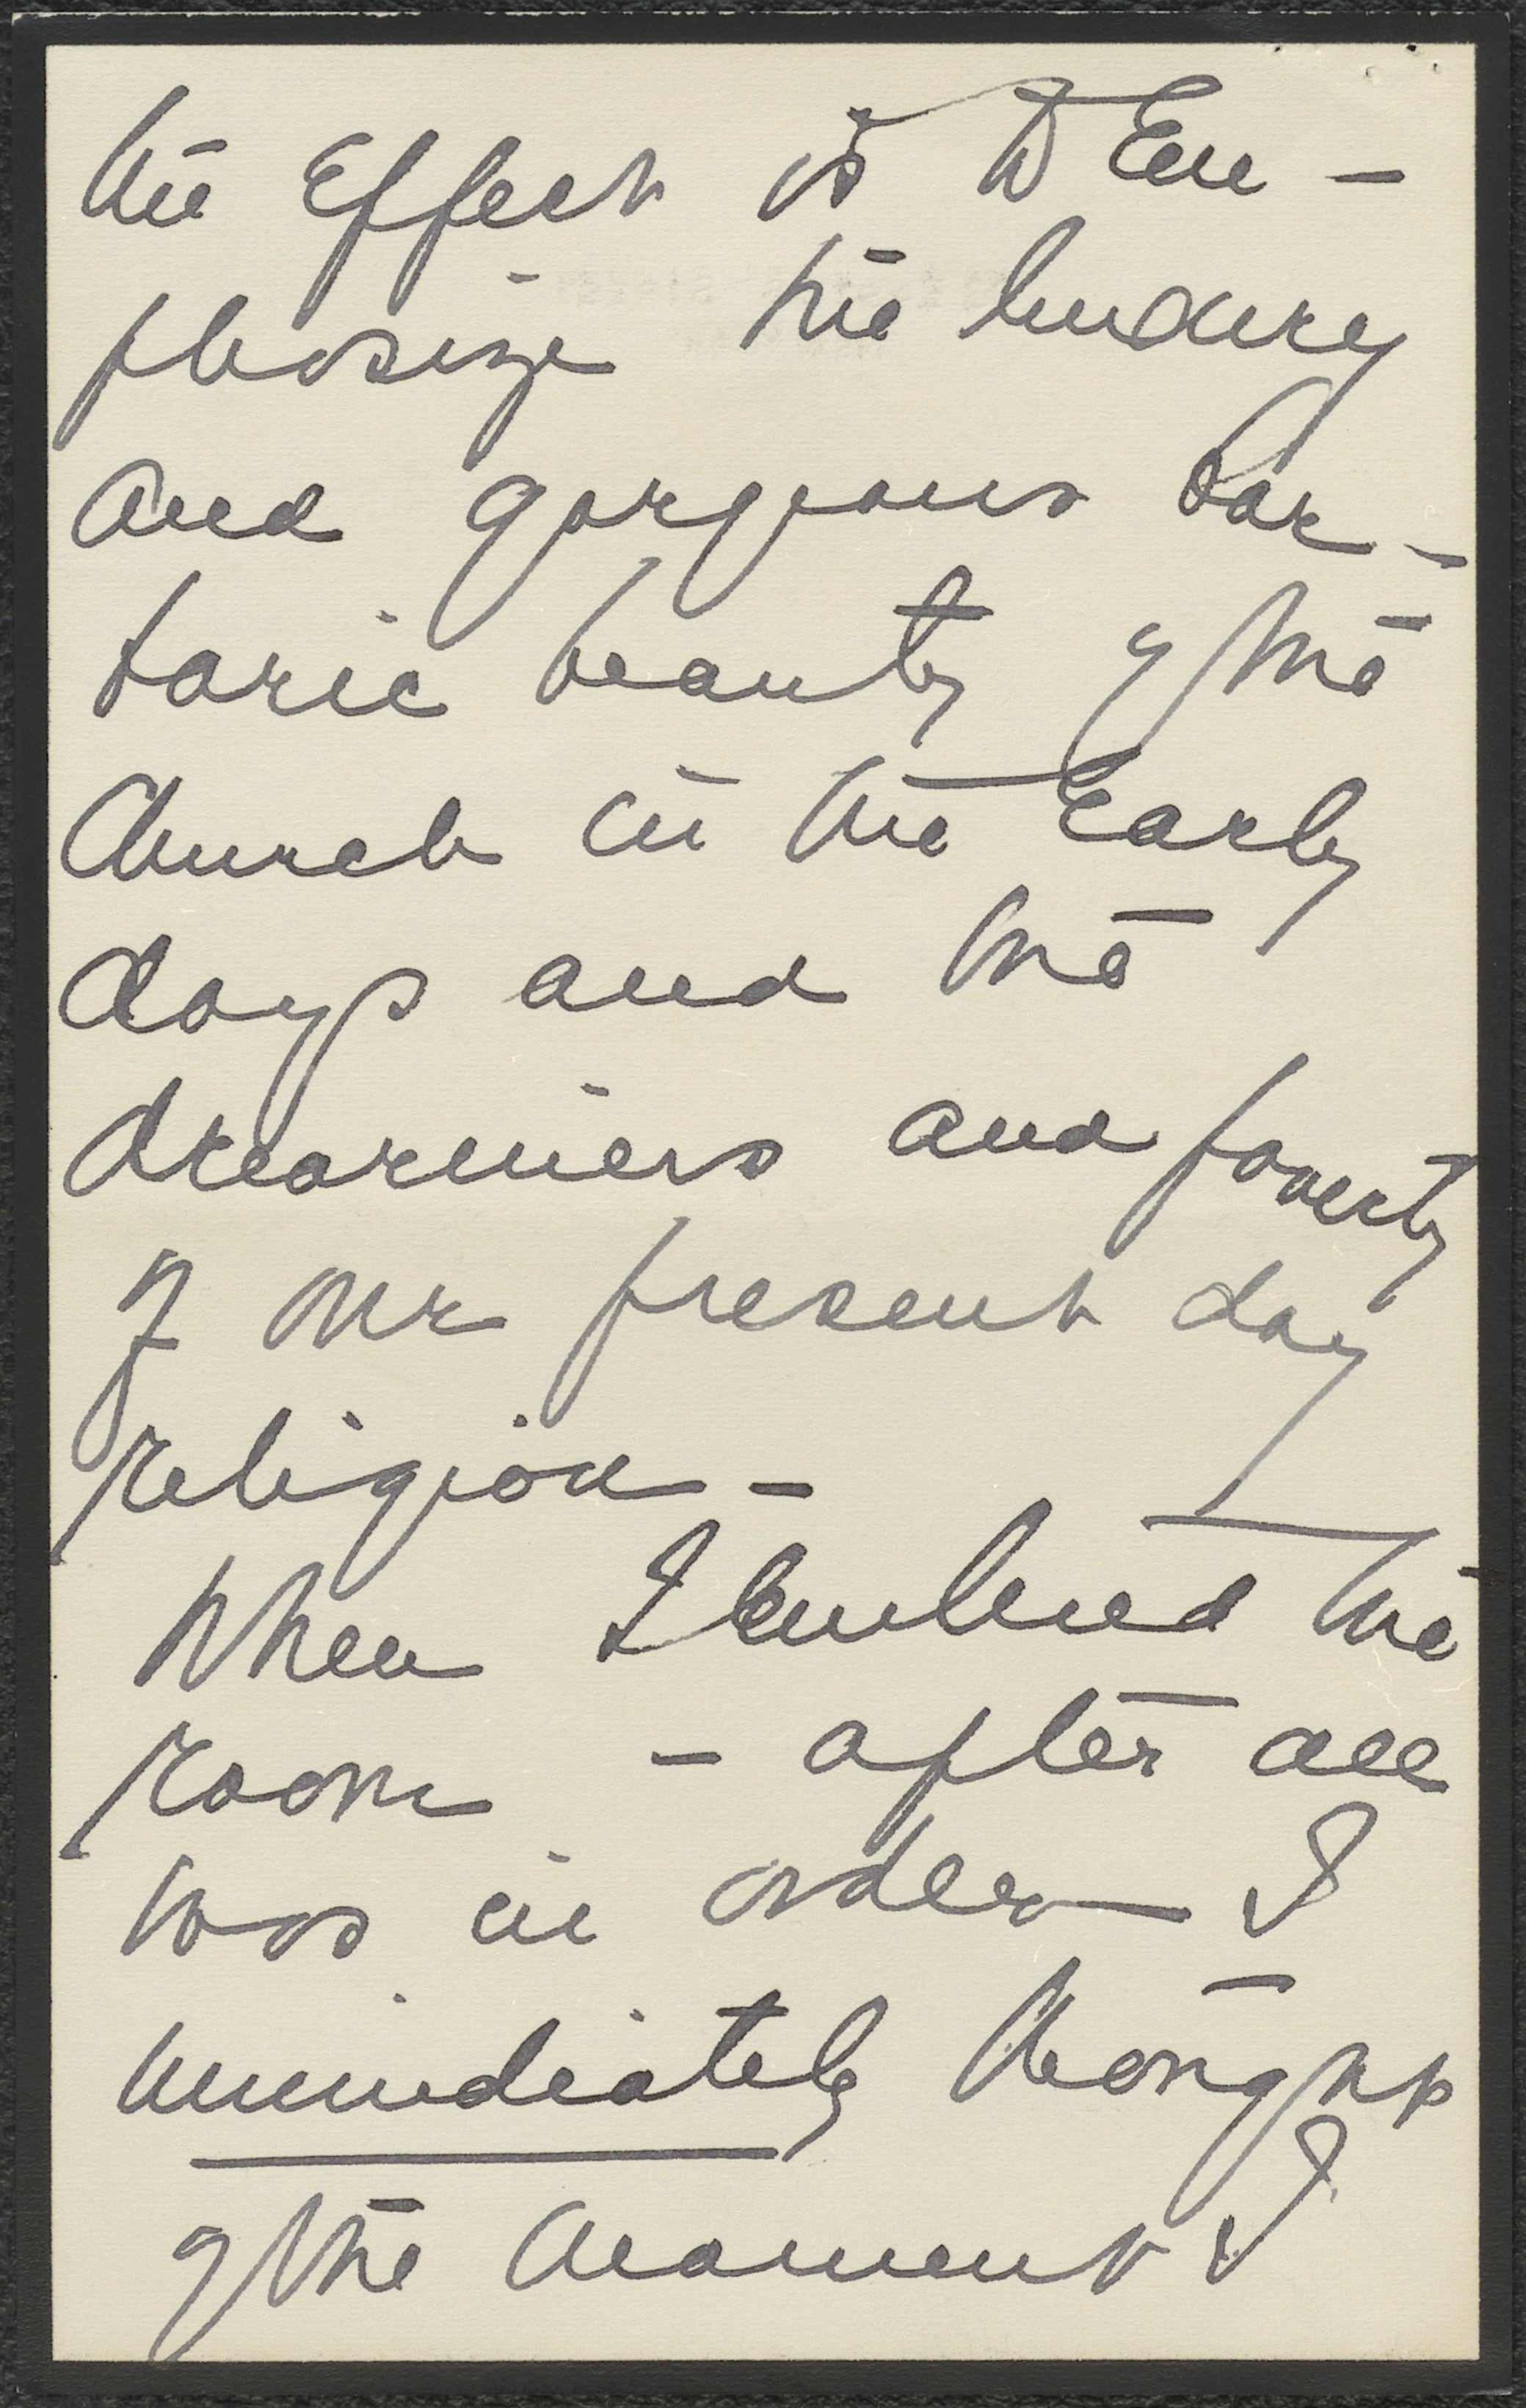the effect is to emphasize the luxury and gorgeous barbaric beauty of the Church in the early days and the dreariness and poverty of our present day religion –
When I entered the room – after all was in order – I immediately thought of the moment I